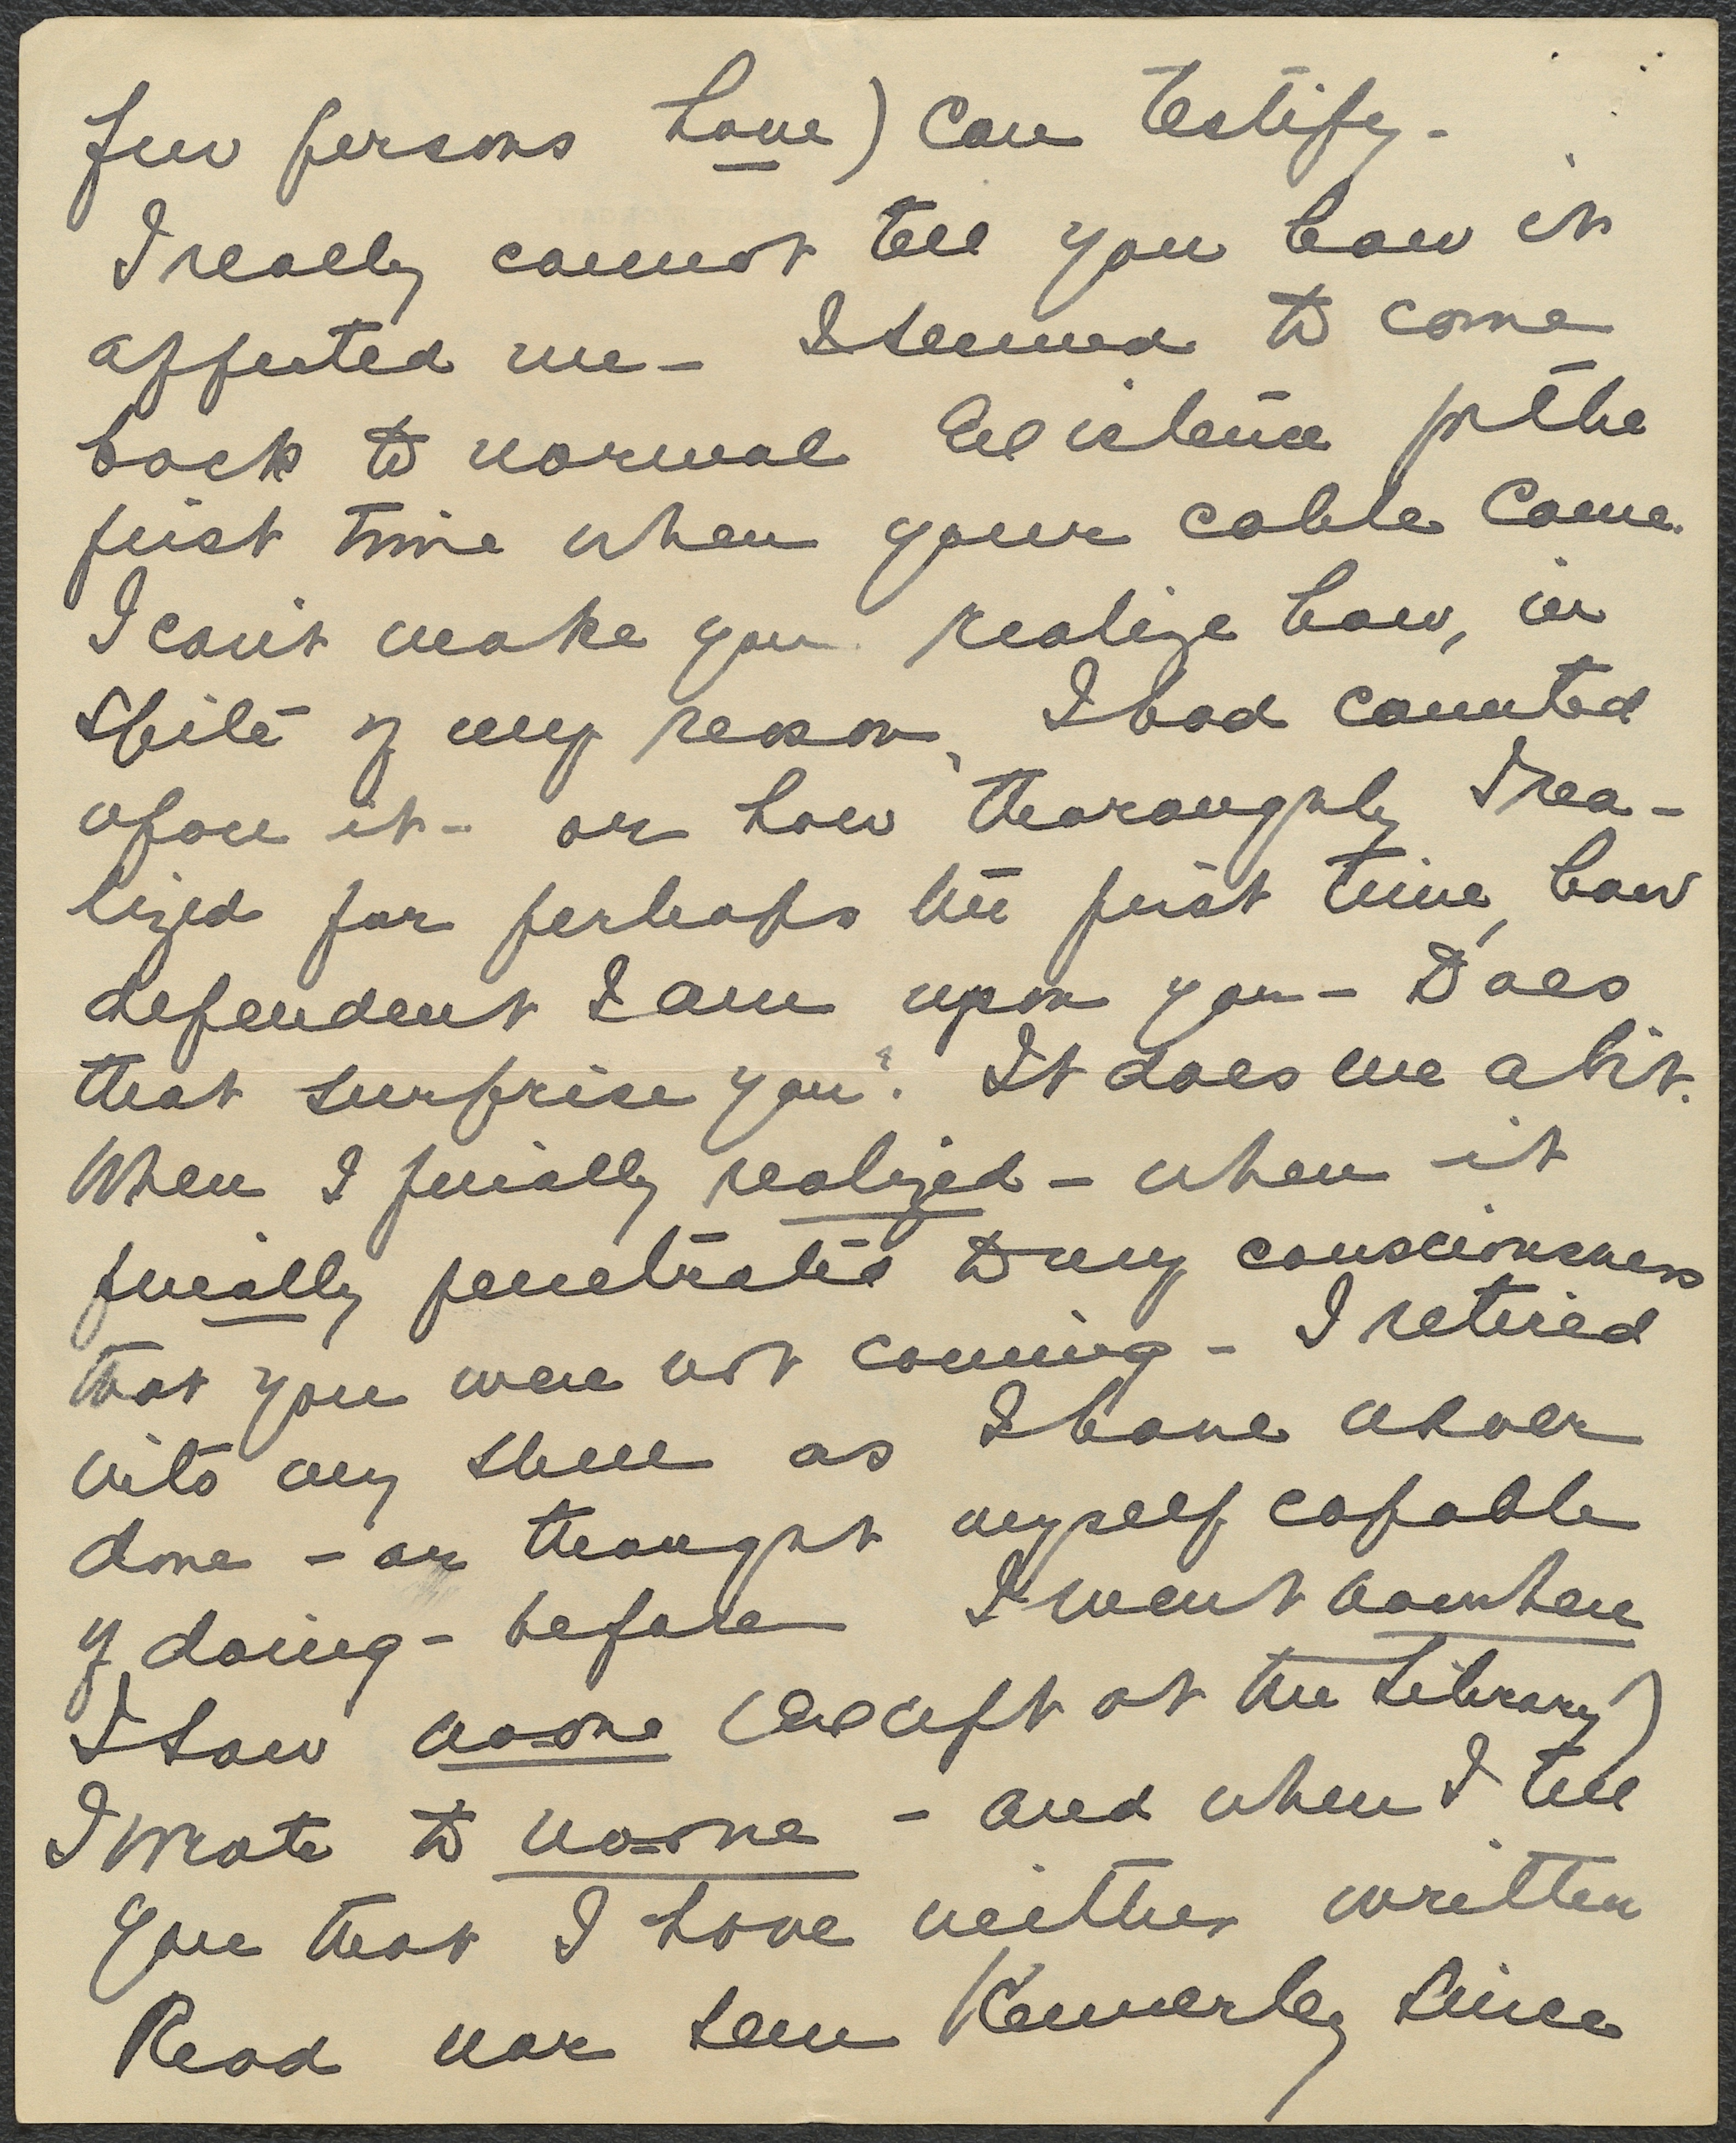few persons have) can testify –
I really cannot tell you how it affected me – I seemed to come back to normal existence for the first time when your cable came. I can’t make you realize how, in spite of my reason, I had counted upon it – or how thoroughly I realized for perhaps the first time, how dependent I am upon you – Does that surprise you? It does me a bit. When I finally realized – when it finally penetrated to my consciousness that you were not coming – I retired into my shell as I have never done – or thought myself capable of doing – before. I went nowhere, I saw no one (except at the Library) I wrote to no-one – and when I tell you that I have neither written, Read nor seen Kennerley since